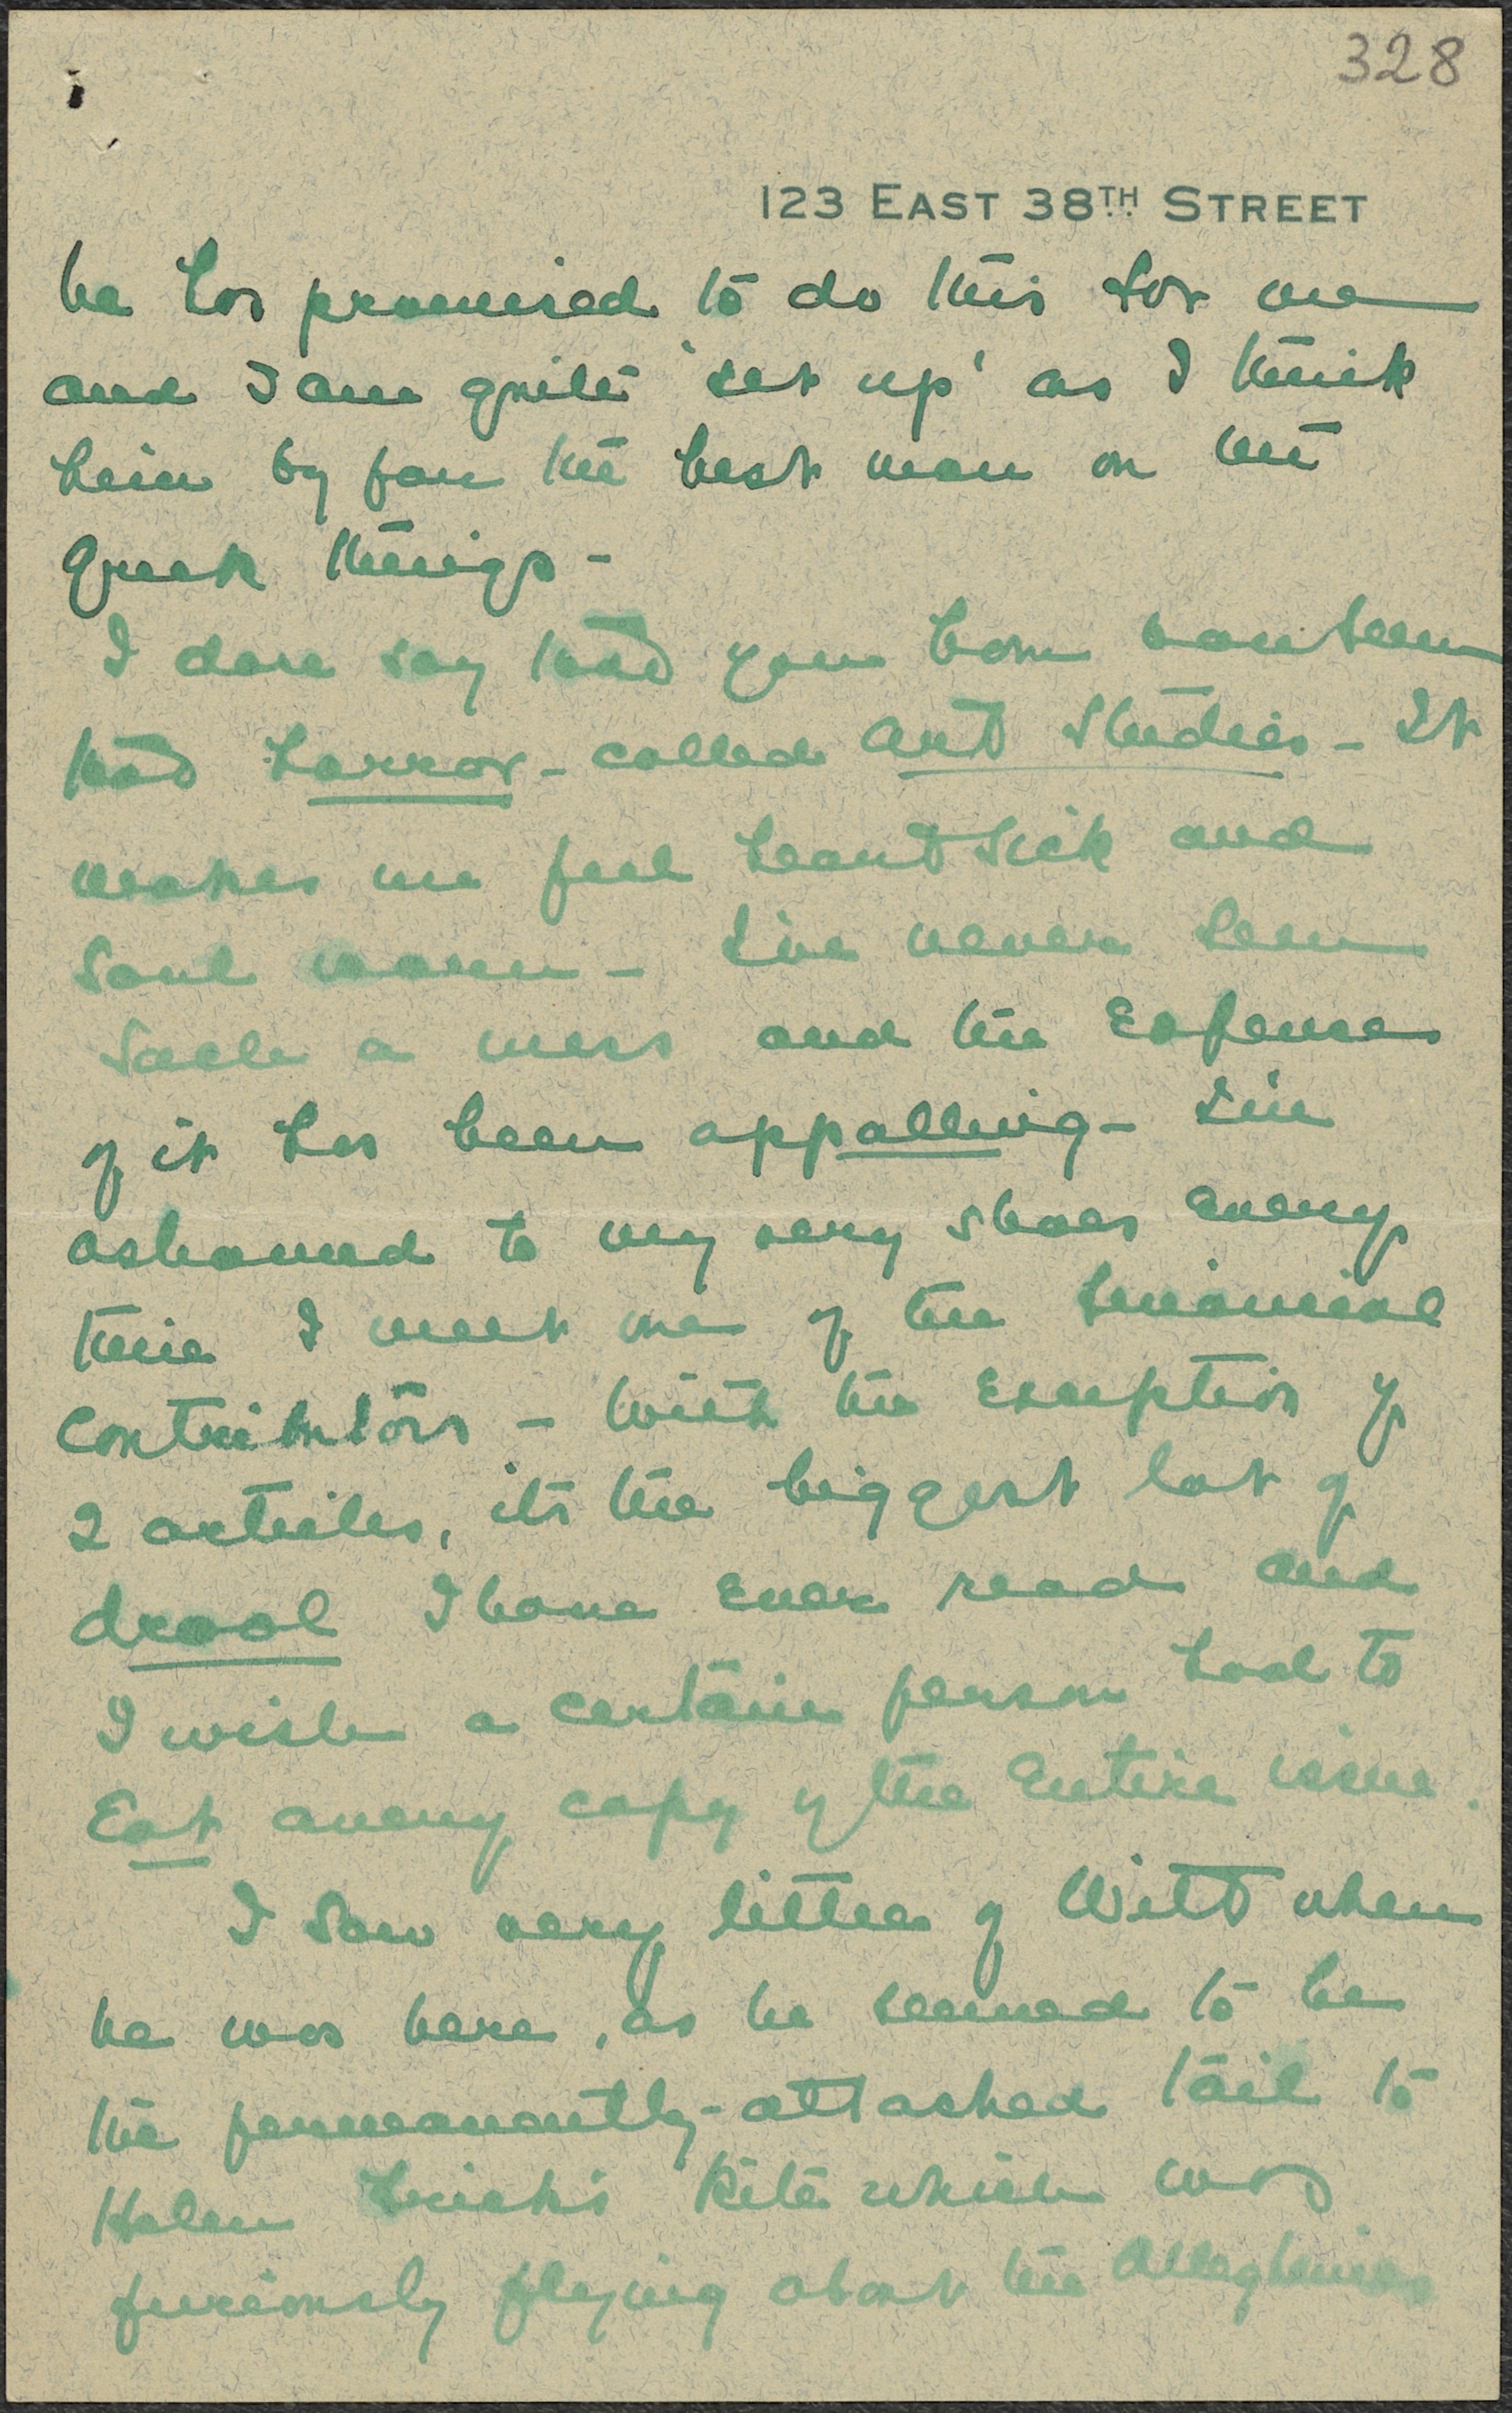he has promised to do this for me and I am quite ‘set up’ as I think him by far the best man on the Greek things –
I dare say that you have now seen that horror – called Art Studies – It makes me feel heartsick and soul worn – I’ve never seen such a mess and the expense of it has been appalling – I’m ashamed to my very shoes every time I meet one of the financial contributors – with the exception of 2 articles, it’s the biggest lot of drool I have ever read and I wish a certain person had to eat every copy of the entire issue.
I saw very little of Witt when he was here, as he seemed to be the permanently-attached tail to Helen Frick’s kite which was furiously flying about the Alleghenies.